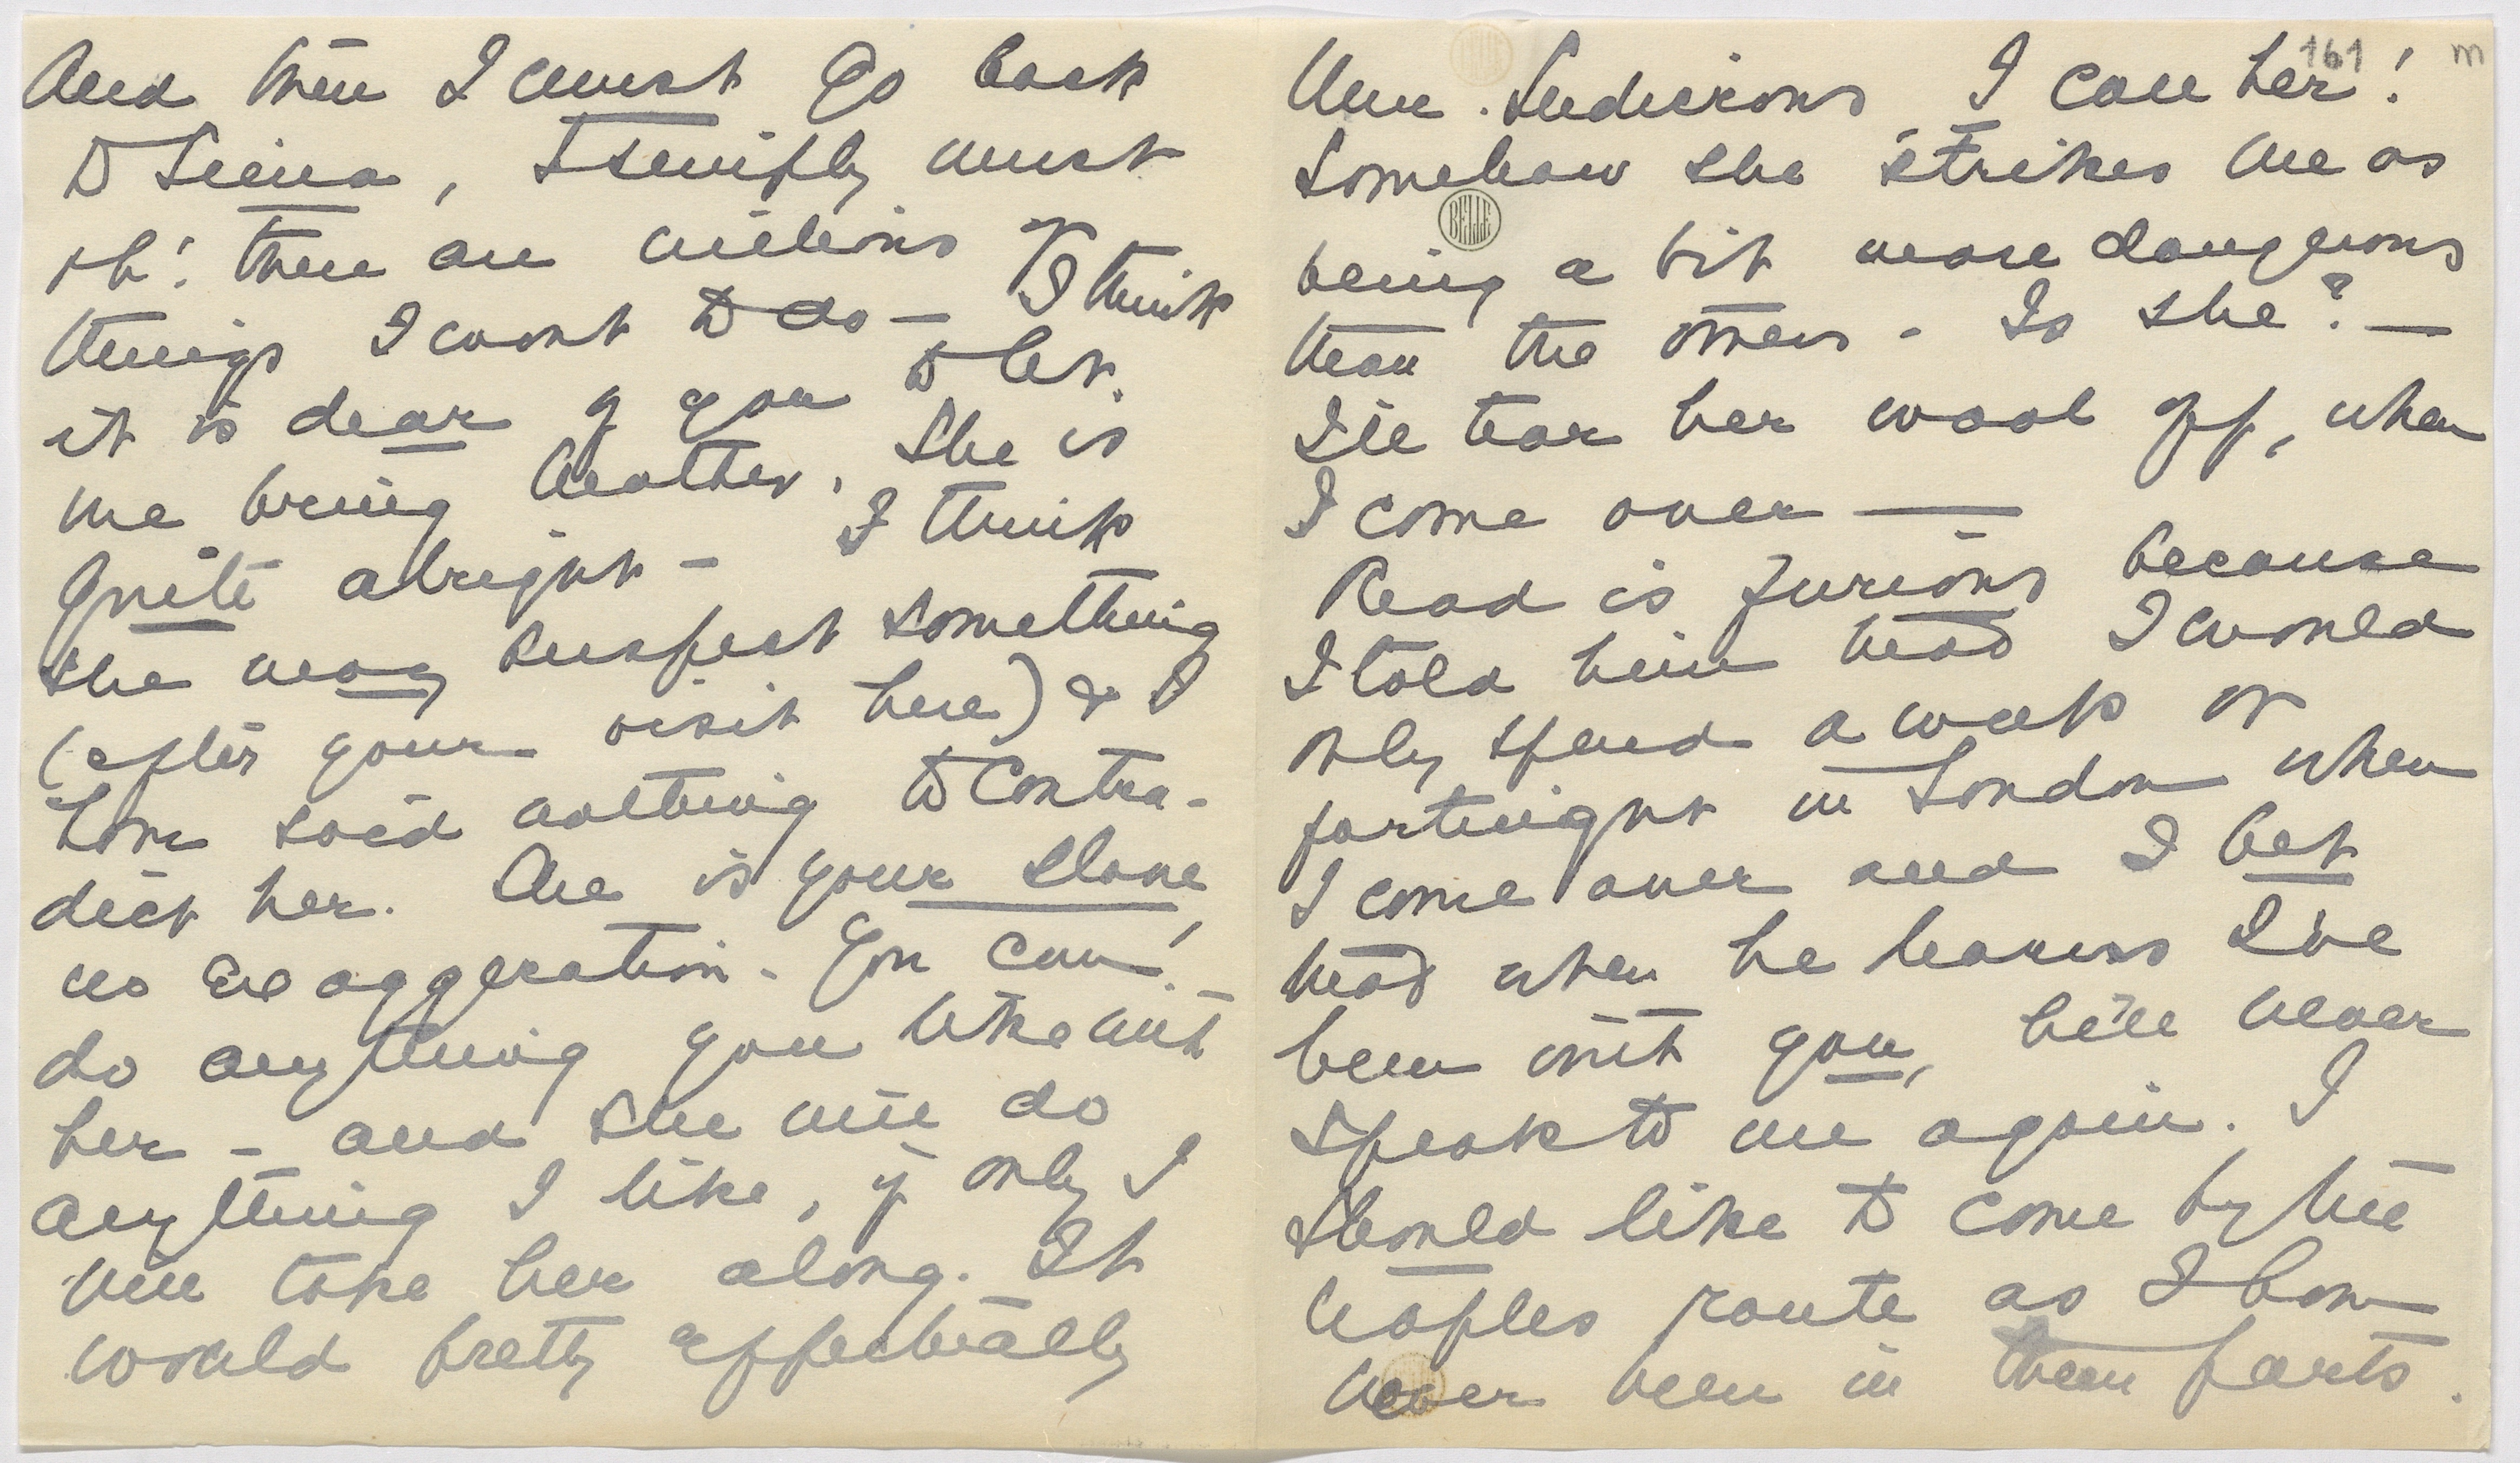Mme. Ludicrous I call her! Somehow she strikes me as being a bit more dangerous than the others – Is she? – I’ll tear her wool off, when I come over –
Read is furious because I told him that I would only spend a week or fortnight in London when I come over and I bet that when he learns I’ve been with you, he’ll never speak to me again. I should like to come by the Naples route as I have never been in them parts.
And then I must go back to Siena, I simply must oh! there are millions of things I want to do – I think it is dear of you to let me bring Mother. She is quite alright – I think she may suspect something (after your visit here) & I have said nothing to contradict her. She is your slave no exaggeration – You can do anything you like with her – and she will do anything I like, if only I will take her along. It would pretty effectually